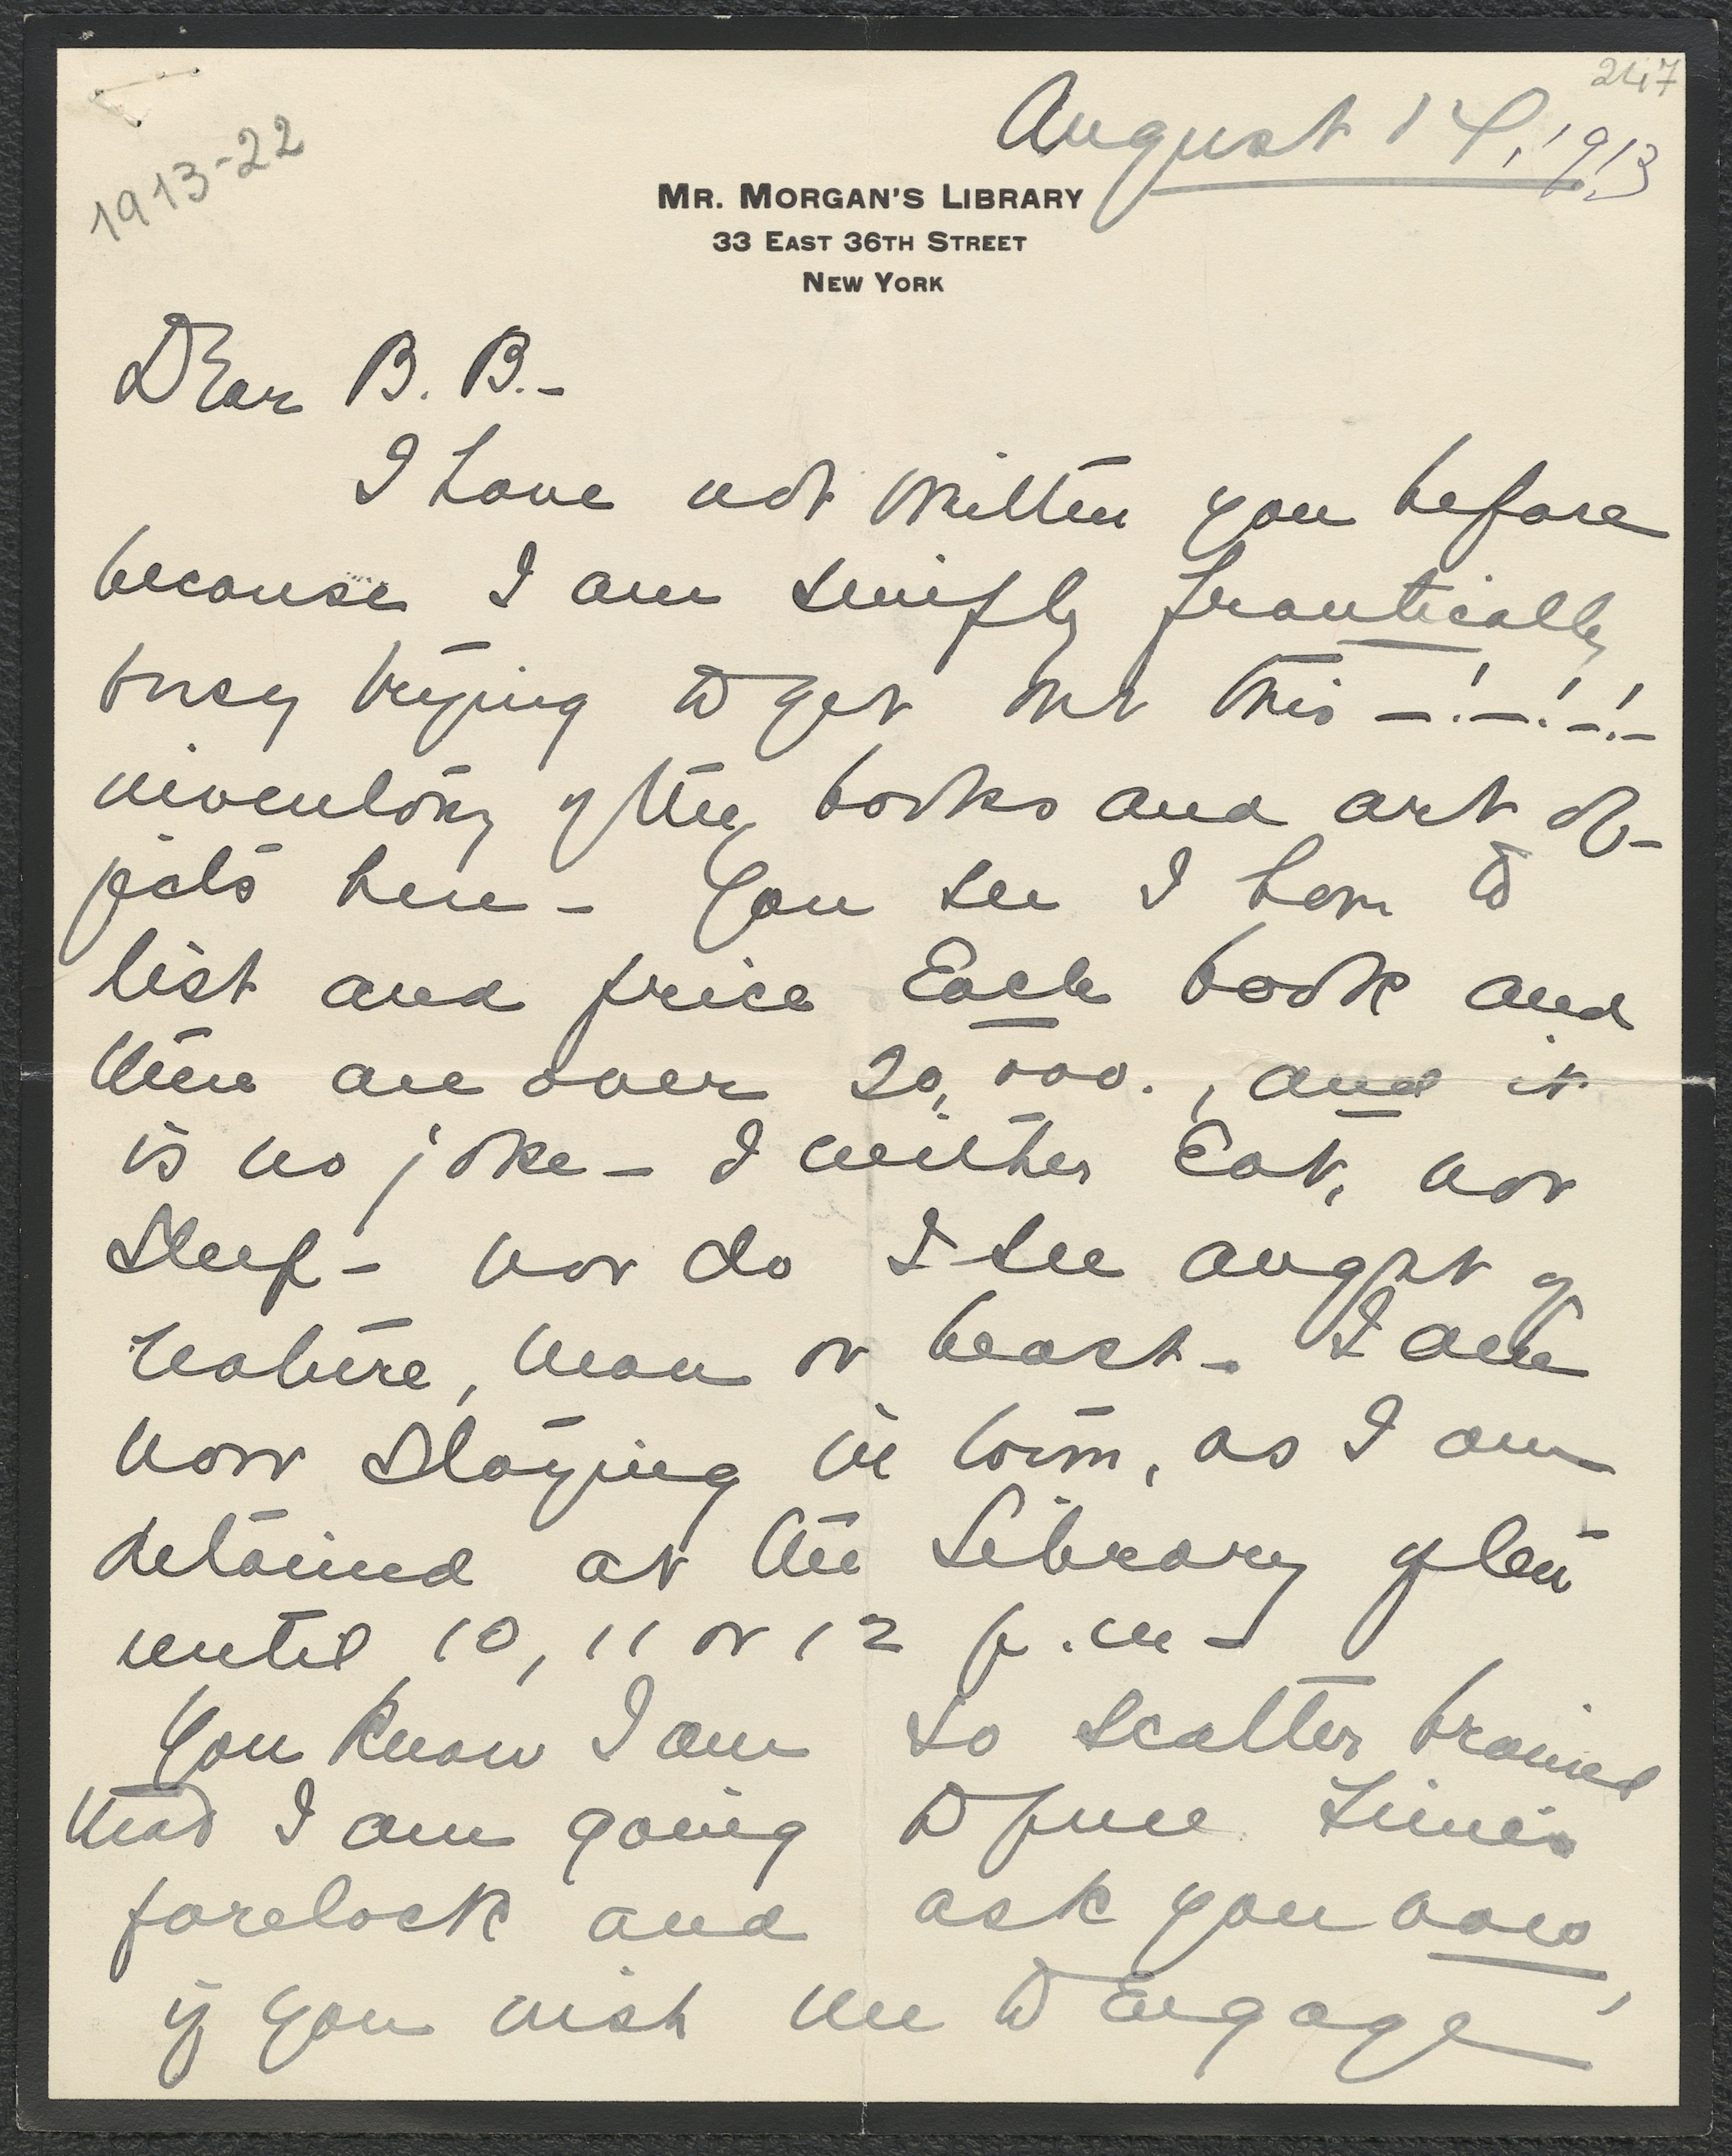August 14
Dear B. B. –
I have not written you before because I am simply frantically busy trying to get out this –!–!–!– inventory of the books and art objects here – You see I have to list and price each book and there are over 20,000., and it is no joke – I neither eat, nor sleep – nor do I see aught of nature, man or beast – I am now staying in town, as I am detained at the Library often until 10, 11 or 12 p.m –
You know I am so scatter brained that I am going to pull Time’s forelock and ask you now if you wish me to engage